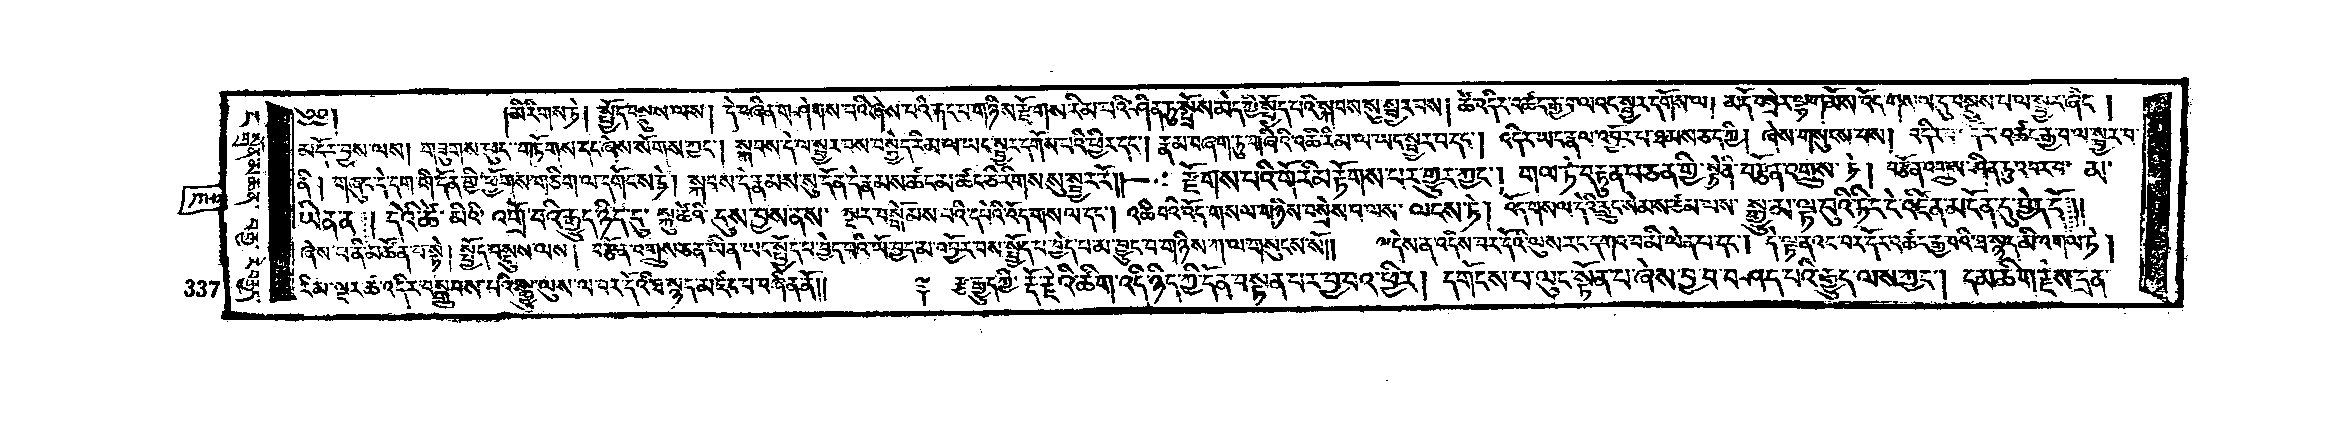༄༅། །མི་རིགས་ཏེ། སྤྱོད་བསྡུས་ལས། དེ་བཞིན་གཤེགས་པའི་ཞེས་པའི་རྐང་པ་གཉིས་རྫོགས་རིམ་པའི་ཤིན་ཏུ་སྤྲོས་མེད་ཀྱི་སྤྱོད་པའི་སྐབས་སུ་སྦྱར་བས། ཚེ་འདིར་འཚང་རྒྱ་བ་ལའང་སྦྱར་དགོས་ལ། མདོ་བསྲེར་ལྷག་མོས་འོད་གསལ་དུ་བསྡུས་པ་ལ་སྦྱར་ཞིང་།
མདོར་བྱས་ལས། གཟུགས་ཕུང་གཏོགས་དང་ཞེས་སོགས་ཀྱང་། སྐབས་དེ་ལ་སྦྱར་བས་བསྐྱེད་རིམ་ལ་ཡང་སྦྱར་དགོས་པའི་ཕྱིར་དང་། རྣམ་བཞག་ཏུ་གཞིའི་འཆི་རིམ་ལ་ཡང་སྦྱར་བ་དང་། འདིར་ཡང་རྣལ་འབྱོར་པ་ཐམས་ཅད་ཀྱི། ཞེས་གསུངས་པས། འདིར་བར་དོར་འཚང་རྒྱ་བ་ལ་སྦྱར་བ་
ནི། གཞུང་དེ་དག་གི་དོན་གྱི་ཕྱོགས་གཅིག་ལ་དགོངས་ཏེ། སྐབས་དེ་རྣམས་སུ་དོན་དེ་རྣམས་ཚང་མ་ཚང་ཅི་རིགས་སུ་སྦྱར་རོ།། རྫོགས་པའི་གོ་རིམ་རྟོགས་པར་གྱུར་ཀྱང་། གལ་ཏེ་བརྟུན་པ་ཅན་གྱི་སྟེ་ནི་བརྩོན་འགྲུས་ཏེ། བརྩོན་འགྲུས་ཤིན་ཏུ་འབར་བ་མ་
ཡིན་ན། དེའི་ཚེ་མིའི་འགྲོ་བའི་རྒྱུད་ཉིད་དུ་སྐུ་ཚེའི་དུས་བྱས་ནས་སྔར་བསྒོམས་པའི་དཔེའི་འོད་གསལ་དང་། འཆི་བའི་འོད་གསལ་གཉིས་བསྲེས་པ་ལས་ལངས་ཏེ། འོད་གསལ་དེའི་རླུང་སེམས་ཙམ་ལས་སྒྱུ་མ་ལྟ་བུའི་ཏིང་ངེ་འཛིན་མངོན་དུ་བྱེད་དོ།།
ཞེས་པ་ནི་མཚོན་པ་སྟེ། སྤྱོད་བསྡུས་ལས། བརྩོན་འགྲུས་ཅན་ཡིན་ཡང་སྤྱོད་པ་བྱེད་པའི་ཡོ་བྱད་མ་འབྱོར་བས་སྤྱོད་པ་བྱེད་པ་མ་བྱུང་བ་གཉིས་ཀ་ལ་གསུངས་སོ།། དེས་ན་འདིས་བར་དོའི་ལུས་རང་དགའ་བ་མི་ལན་པ་དང་། དེ་ལྟ་ནའང་བར་དོར་འཚང་རྒྱ་བའི་ཐ་སྙད་མི་འགལ་ཏེ།
རིམ་ལྔར་ཚ་འདིར་བསྒྲུབས་པའི་སྒྱུ་ལུས་ལ་པར་དོའི་ཐ་སྙད་མཛད་པ་བཞིན་ནོ།། ༈ རྩ་རྒྱུད་ཀྱི་རྡོ་རྗེའི་ཚིག་འདི་ཉིད་ཀྱི་དོན་བསྟན་པར་བྱ་བའི་ཕྱིར། དགོངས་པ་ལུང་སྟོན་པ་ཞེས་བྱ་བ་བཤད་པའི་རྒྱུད་ལས་ཀྱང་། དམ་ཚིག་རྗེས་དྲན་